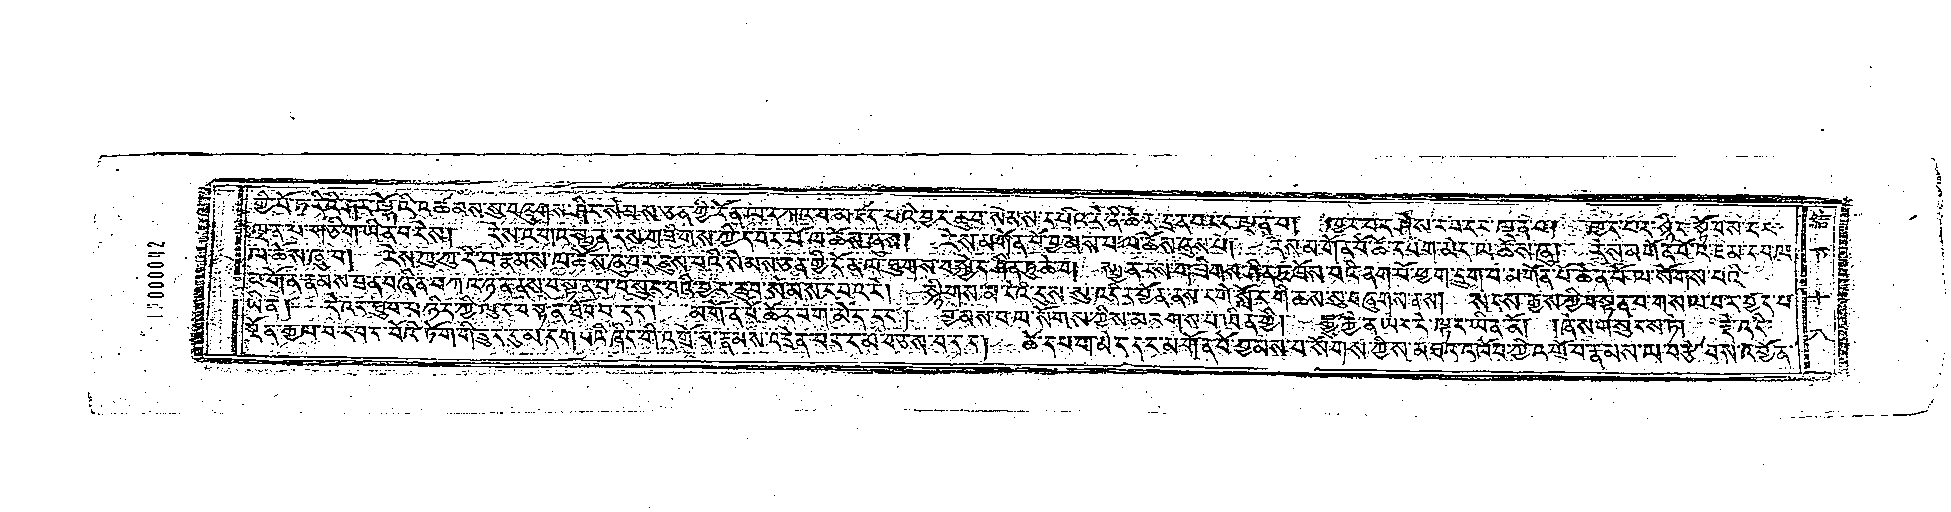གྱི་པོ་ཏ་རིའི་ཤར་ལྷོའི་འཚམས་སུ་བཞུགས་ཤིང་སེམས་ཅན་གྱི་དོན་ལ་དཀའ་བ་མཛད་པའི་བྱང་ཆུབ་སེམས་དཔའི་དེ་ནི་ཆེར་དྲན་བ་ངང་ལྡན་པ། ཁྱད་བར་ཤེས་རབ་དང་ལྡན་པ། ཁྱད་པར་སྙིང་སྟོབས་ངང་
ལྡན་པ་གཅིག་ཡིན་པ་ངེས། རེས་འགའ་སྤྱན་རས་གཟིགས་ཀྱི་དབང་བོ་ལ་ཆོས་ཞུས། རེས་མགོན་པོ་བྱམས་པ་ལ་ཆོས་ཞུས་པ། རེས་མགོན་པོ་ཚེ་དཔག་མེད་ལ་ཆོས་ཞུ། རེས་མགོན་པོ་འཇམ་དཔལ་
ལ་ཆོས་ཞུ་བ། རེས་ཀུ་ཀུ་རི་བ་རྣམས་ལ་ཆོས་ཞུ་བར་ནུས་པའི་སེམས་ཅན་གྱི་དོན་ལ་ཐུགས་བསྐྱེད་ཤིན་ཏུ་ཆེ་བ། སྤྱན་རས་གཟིགས་ཤིན་ཏུ་ཁྲོས་བའི་ནག་པོ་ཕྱག་དྲུག་བ་མགོན་པོ་ཆེན་པོ་ལ་སོགས་པའི་
མགོན་རྣམས་བྲན་བཞིན་བཀའ་ཉན་ནས་བསྟན་པ་བསྲུང་བའི་བྱང་ཆུབ་སེམས་དཔའ་དེ། སྙིགས་མ་དེའི་དུས་སུ་འདིར་བྱོན་ནས་དགེ་སློང་གི་ཆས་སུ་བཞུགས་ནས། སངས་རྒྱས་ཀྱི་བསྟན་བ་གསལ་བར་བྱད་པ་
ཡིན། དེའང་ཐུབ་པ་ཉིད་ཀྱི་ལུང་བསྟན་ཐོབ་པ་དང་། མགོན་པོ་ཚེ་དཔག་མེད་དང་། བྱམས་བ་ལ་སོགས་ཀྱིས་མངགས་པ་ཡིན་གྱི། རྒྱུ་རྐྱེན་ཡང་དེ་ལྟར་ཡིན་ནོ། །ཞེས་གསུངས་ཏེ། རྗེ་འདི་
སྔོན་རྒྱལ་བ་དབང་པོའི་ཏོག་གི་དྲུང་དུ་མ་དག་པའི་ཞིང་གི་འགྲོ་བ་རྣམས་འདྲེན་བར་དམ་བཅས་པ་དང་། ཚེ་དཔག་མེད་དང་མགོན་པོ་བྱམས་པ་སོགས་ཀྱིས་མཐའ་འཁོབ་ཀྱི་འགྲོ་བ་རྣམས་ལ་བརྩེ་བས་འབྱོན་